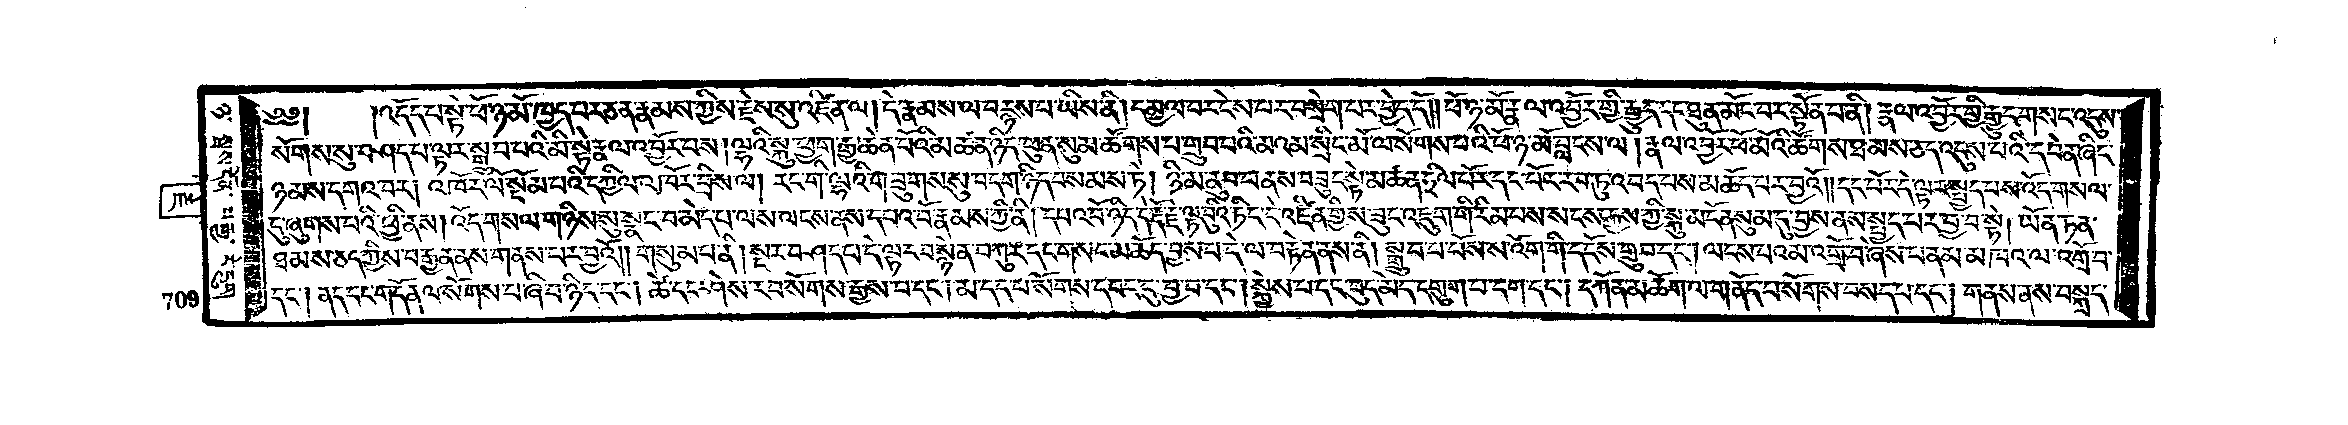༄༅། །འདོད་པ་སྟེ་ཕོ་ཉ་མོ་ཁྱད་པར་ཅན་རྣམས་ཀྱིས་རྗེས་སུ་འཛིན་ལ། དེ་རྣམས་ལ་བརྙས་པ་ཡིས་ནི། དམྱལ་བར་ངེས་པར་བསྲེག་པར་བྱེད་དོ། །ཕོ་ཉ་མོ་རྣལ་འབྱོར་གྱི་རྒྱུད་དང་ཐུན་མོང་བར་སྟོན་པ་ནི། རྣལ་འབྱོར་གྱི་རྒྱུད་གསང་འདུས་
སོགས་སུ་བཤད་པ་ལྟར་སྒྲུབ་པའི་མི་སྟེ་རྣལ་འབྱོར་པས། ལྷའི་སྐུ་ཕྱག་རྒྱ་ཆེན་པོའི་མཚན་ཉིད་ཕུན་སུམ་ཚོགས་པ་གྲུབ་པའི་མའམ་སྲིང་མོ་ལ་སོགས་པའི་ཕོ་ཉ་མོ་བླངས་ལ། རྣལ་འབྱོར་ཕོ་མོའི་ཚོགས་ཐམས་ཅད་འདུས་པའི་དབེན་ཞིང་
ཉམས་དགའ་བར། འཁོར་ལོ་སྡོམ་པའི་དཀྱིལ་འཁོར་བྲིས་ལ། རང་གི་ལྷའི་གཟུགས་སུ་བདག་ཉིད་བསམས་ཏེ། ཉི་མ་ནུབ་པ་ནས་བཟུང་སྟེ་མཚན་ཧྲིལ་པོར་དང་པོར་རབ་ཏུ་འབད་པས་མཆོད་པར་བྱའོ། །དང་པོར་དེ་ལྟར་སྤྱད་པས་འོད་གསལ་
དུ་ཞུགས་པའི་ཕྱི་ནས། འོད་གསལ་གཉིས་སུ་སྣང་བ་མེད་པ་ལས་ལངས་ནས་དཔའ་བོ་རྣམས་ཀྱི་ནི། དཔའ་བོ་ཉིད་དེ་རྡོ་རྗེ་ལྟ་བུའི་ཏིང་ངེ་འཛིན་གྱིས་ཟུང་འཇུག་གི་རིམ་པས་སངས་རྒྱས་ཀྱི་སྐུ་མངོན་སུམ་དུ་བྱས་ནས་སྤྱད་པར་བྱ་བ་སྟེ། ཡོན་ཏན་
ཐམས་ཅད་ཀྱིས་བརྒྱན་ནས་གནས་པར་བྱའོ། །གསུམ་པ་ནི། སྔར་བཤད་པ་དེ་ལྟར་བསྙེན་བཀུར་དང་གསང་མཆོད་བྱས་པ་དེ་ལ་བརྟེན་ནས་ནི། སྒྲུབ་པ་པོས་ས་འོག་གི་དངོས་གྲུབ་དང་། ལངས་པའམ་འགྲོ་བ་ཞེས་པ་ནམ་མཁའ་ལ་འགྲོ་བ་
དང་། ནད་དང་གདོན་ལ་སོགས་པ་ཞི་བ་ཉིད་དང་། ཚེ་དང་ཤེས་རབ་སོགས་རྒྱས་པ་དང་། མ་དད་པ་སོགས་དབང་དུ་བྱ་བ་དང་། སྐྱེས་པ་དང་བུད་མེད་དགུག་པ་དག་དང་། དཀོན་མཆོག་ལ་གནོད་པ་སོགས་བསད་པ་དང་། གནས་ནས་བསྐྲད་